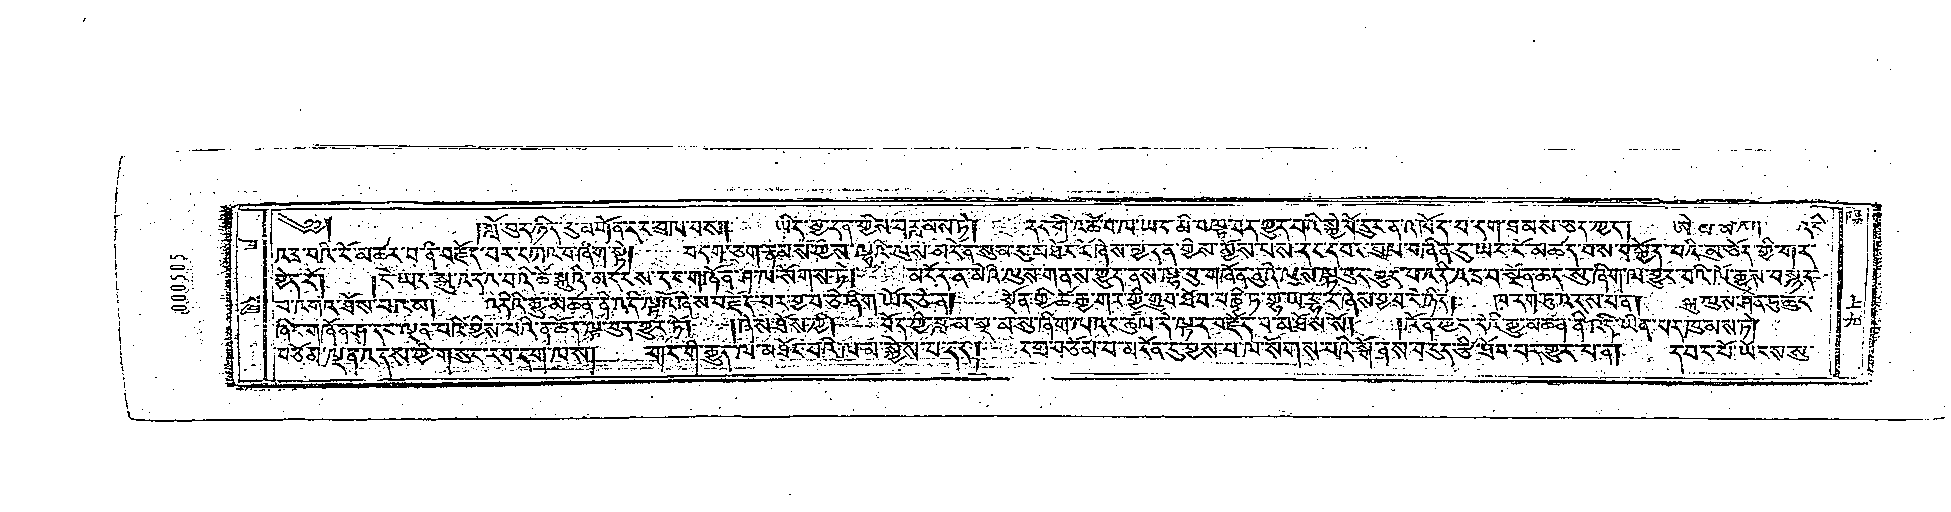༄༅། །གློ་བུར་ཉིད་དུ་མགོན་དང་བྲལ་བས། ཡིད་མྱ་ངན་གྱིས་བརླམས་ཏེ། རང་གི་འཚོ་བ་ལ་ཡང་མི་བལྟ་བར་གྱུར་བའི་སྐྱེ་བོ་དྲུང་ན་འཁོད་པ་དག་ཐམས་ཅད་ཀྱང་། ཨེ་མ་མ་ལ། འདི་
འདྲ་བའི་ངོ་མཚར་བ་ནི་བརྗོད་པར་དཀའ་བ་ཞིག་སྟེ། བདག་ཅག་རྣམས་ཀྱིས་ལྷའི་ལུས་མངོན་སུམ་དུ་མཐོང་ངོ་ཞེས་མྱ་ངན་གྱིས་མྱོས་པས་རང་དབང་བྲལ་བཞིན་དུ་ཡང་ངོ་མཚར་བས་བསྐྱོད་པའི་མུ་ཅོད་གྱི་གར་
བྱེད་དོ། །དེ་ཡང་སྐུ་འདའ་བའི་ཚེ་སྐུའི་མདངས་དང་གཞོན་ཤ་ལ་སོགས་ཏེ། མདོར་ན་མིའི་ལུས་གནས་གྱུར་ནས་ལྷ་བུ་གཞོན་ནུའི་ལུས་ལྟ་བུར་གྱུར་པ་འདི་འདྲ་བ་སྔོན་ཆད་སུ་ཞིག་ལ་བྱུང་བའི་ལོ་རྒྱུས་བསྙད་
པ་འགའ་ཐོས་པའམ། འདིའི་རྒྱུ་མཚན་ནི་འདི་ལྟའོ་ཞེས་བརྗོད་པར་བྱ་བ་ཅི་ཞིག་ཡོད་ཅེ་ན། སྔོན་གྱི་ཚེ་རྒྱ་གར་གྱི་གྲུབ་ཐོབ་པཎྚི་ཏ་གྷ་ཡ་དྷ་ར་ཞེས་བྱ་བ་དེ་ཉིད། ཁ་རག་ཏུ་འངས་པ་ན། སྐུ་ལུས་ཤིན་ཏུ་ཆུང་
ཞིང་གཞོན་ཤ་དང་ལྡན་པའི་བྱིས་པའི་ན་ཆོད་ལྟ་བུར་གྱུར་ཏོ། །ཞེས་ཐོས་ཀྱི། བོད་ཀྱི་བླ་མ་སྔ་མ་སུ་ཞིག་ལའང་ཚུལ་དེ་ལྟར་བརྗོད་པ་མ་ཐོས་སོ། །འོན་ཀྱང་དེའི་རྒྱུ་མཚན་ནི་འདི་ཡིན་པར་ཁུམས་ཏེ།
བཅོམ་ལྡན་འདས་ཀྱི་གསུང་རབ་དག་ལས། གང་གི་རྒྱུད་ལ་མཐོང་བའི་ལམ་སྐྱེས་པ་དང་། དགྲ་བཅོམ་པ་མངོན་དུ་བྱས་པ་ལ་སོགས་པའི་སྒོ་ནས་བདུད་རྩི་ཐོབ་པར་གྱུར་པ་ན། དབང་པོ་ཡོངས་སུ་